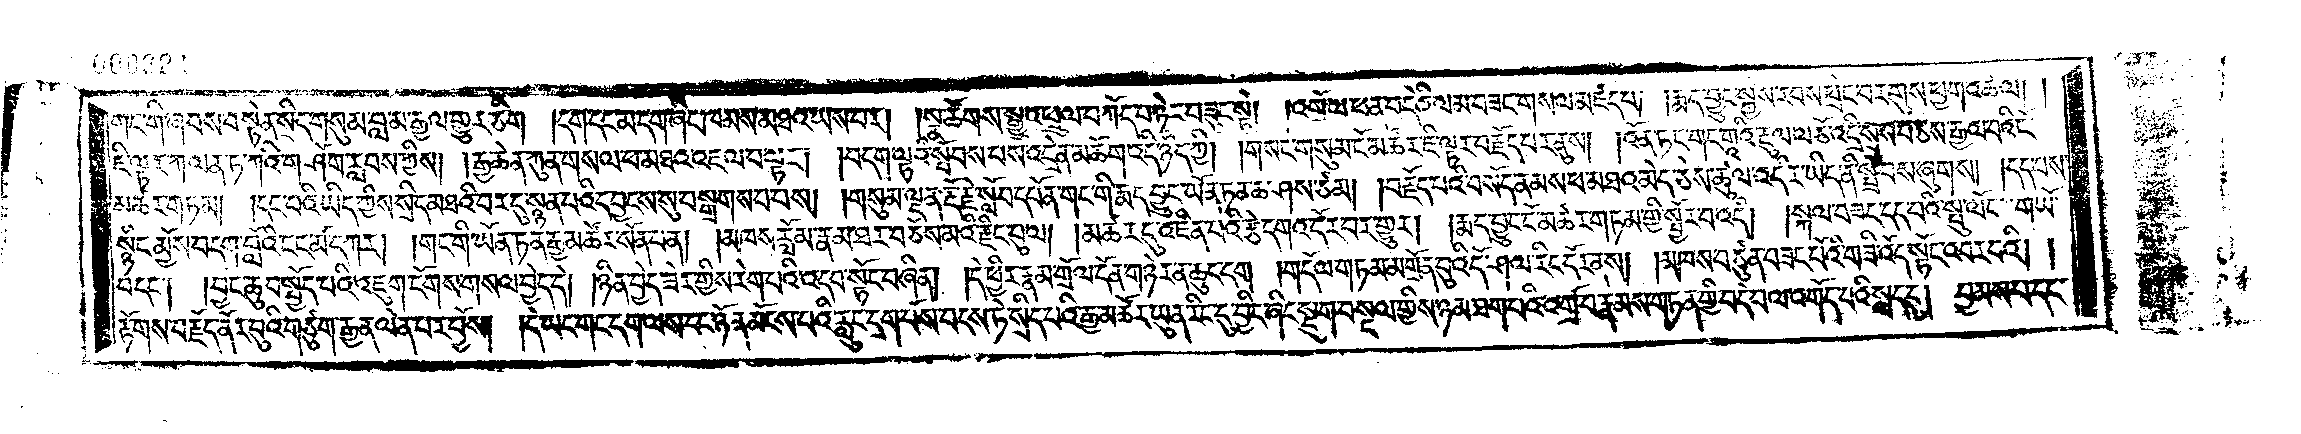གང་གི་ཞབས་བསྟེན་སྲིད་གསུམ་བླ་མ་རྒྱལ་གྱུར་ཅིག །དག་དང་མ་དག་ཞིང་ཁམས་མཐའ་ཡས་བར། །སྣ་ཚོགས་སྒྱུ་འཕྲུལ་བཀོད་བ་ཉེར་བཟུང་སྟེ། །འགྲོ་ལ་ཕན་བདེའི་ལམ་བཟང་གསལ་མཛད་པ། །རྨད་བྱུང་སྐྱེས་རབས་ཕྲེང་བར་གུས་ཕྱག་འཚལ། །
ཇི་ལྟར་ཀ་ལན་ཏ་ཀའི་གཤོག་རླབས་ཀྱིས། །རྒྱ་ཆེན་ཀུན་གསལ་ཕ་མཐའ་འཇལ་བ་ལྟར། །བདག་ལྟའི་སྤོབས་པས་འདྲེན་མཆོག་འདི་ཉིད་ཀྱི། །གསང་གསུམ་ངོ་མཚར་ཇི་ལྟར་བརྗོད་པར་ནུས། །འོན་ཏང་གང་གཱའི་རྡུལ་ལ་ཅོ་འདྲི་སྲས་བཅས་རྒྱལ་བའི་ངོ་
མཚར་གཏམ། །དང་བའི་ཡིད་ཀྱིས་སྲིད་མཐའི་བར་དུ་སྙན་པའི་དབྱངས་སུ་བསྒྲགས་བབས། །གསུམ་ལྡན་རྡོ་རྗེ་སློབ་དཔོན་གང་གི་རྨད་བྱུང་ཡོན་ཏན་ཆ་ཤས་ཙམ། །བརྗོད་པའི་བསོད་ནམས་ཕ་མཐའ་མེད་ཅེས་ཚུལ་འདིར་ཡིད་ནི་སྤྲོ་བས་ཞུགས། །དད་བས་
སྙིང་མྱོས་བདག་བློའི་ངང་མོ་དཀར། །གང་གི་ཡོན་ཏན་རྒྱ་མཚོར་སོན་པ་ན། །མཁས་རློམ་རྣམ་ཐར་བཅོས་མའི་རྫིང་བུ་ལ། །མཚར་དུ་འཛིན་པའི་རྩེ་དགའ་དོར་བར་གྱུར། །རྨད་བྱུང་ངོ་མཚར་གཏམ་གྱི་སྦྱོར་བ་འདི། །སྐལ་བཟང་དད་བའི་སྤུ་ལོང་གཡོ་
བ་དང་། །བྱང་ཆུབ་སྤྱོད་བའི་འཇུག་ངོགས་གསལ་བྱེད་དེ། །ཉིན་བྱེད་ཟེར་གྱིས་རེག་པའི་འདབ་སྟོང་བཞིན། །དེ་ཕྱིར་རྣམ་གྲོལ་དོན་གཉེར་ན་ཆུང་དག །གདོལ་གཏམ་མགྲོན་བུའི་དོ་ཤལ་རི་དོར་ནས། །མཁས་བཙུན་བཟང་པོའི་གཟི་འོད་སྟོང་འབར་བའི། །
རྟོགས་བརྗོད་ནོར་བུའི་གཙུག་རྒྱན་ལེན་པར་བྱོས། །དེ་ཡང་གང་དག་ལས་དང་ཉོན་མོངས་པའི་རླུང་དྲག་པོས་བངས་ཏེ་སྲིད་པའི་རྒྱ་མཚོར་ཡུན་རིང་དུ་བྱིང་ཞིང་སྡུག་བསྔལ་གྱིས་ཉམ་ཐག་པའི་འགྲོ་བ་རྣམས་གཏན་གྱི་བདེ་བ་ལ་འགོད་པའི་སླད་དུ། བྱམས་པ་དང་